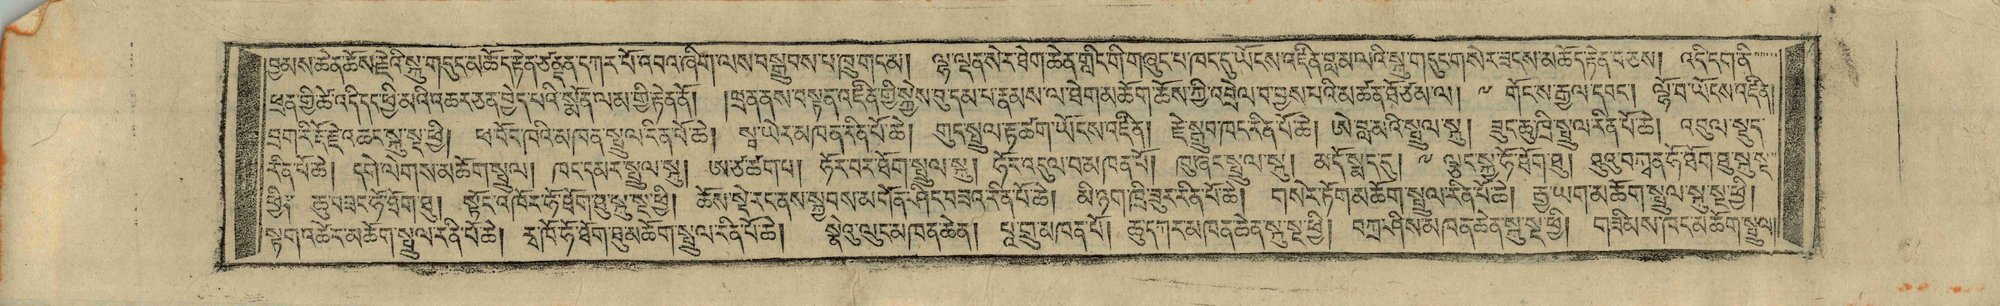བྱམས་ཆེན་ཆོས་རྗེའི་སྐུ་གདུང་མཆོད་རྟེན་ཙནྡན་དཀར་པོ་འབའ་ཞིག་ལས་བསྒྲུབས་པ་ཁྲུ་གང་མ། ལྷ་ལྡན་སེ་ར་ཐེག་ཆེན་གླིང་གི་གཞུང་པ་ཁང་དུ་ཡོངས་འཛིན་བླ་མ་ལའི་སྐུ་གདུང་གསེར་ཟངས་མཆོད་རྟེན་བཅས། འདི་དག་ནི་
ཕྲན་གྱི་ཚེ་འདི་དང་ཕྱི་མའི་འཆར་ཅན་བྱེད་པའི་སྨོན་ལམ་གྱི་རྟེན་ནོ། །ཕྲན་ནས་བསྟན་འཛིན་གྱི་སྐྱེས་བུ་དམ་པ་རྣམས་ལ་ཐེག་མཆོག་ཆོས་ཀྱི་འབྲེལ་བ་བྱས་པའི་མཚན་ཐོ་ཙམ་ལ། ༧་གོང་ས་རྒྱལ་དབང་། ལྷོ་བ་ཡོངས་འཛིན།
བྲག་རི་རྡོ་རྗེ་འཆང་སྐུ་སྔ་ཕྱི། ཕ་བོང་ཁའི་མཁན་སྤྲུལ་རིན་པོ་ཆེ། སྦ་ཡེར་མཁན་རིན་པོ་ཆེ། གུང་སྤྲུལ་རྟ་ཚག་ཡོངས་འཛིན། རྗེ་སྒྲུབ་ཁང་རིན་པོ་ཆེ། ཨེ་བླ་མའི་སྤྲུལ་སྐུ། ཟུང་ཆུ་ཁྲི་སྤྲུལ་རིན་པོ་ཆེ། འབུལ་སྡུད་
རིན་པོ་ཆེ། དགེ་ལེགས་མཆོག་སྤྲུལ། ཁང་དམར་སྤྲུལ་སྐུ། ཨ་ཙ་ཚག་པ། ཧོར་བར་ཐོག་སྤྲུལ་སྐུ། ཧོར་འདུལ་བ་མཁན་པོ། ཁུ་ཞང་སྤྲུལ་སྐུ། མདོ་སྨད་དུ། ༧་ལྕང་སྐྱ་ཧོ་ཐོག་ཐུ། ཐུའུ་བཀྭན་ཧོ་ཐོག་ཐུ་སྐུ་སྔ་
ཕྱི། ཆུ་བཟང་ཧོ་ཐོག་ཐུ། སྟོང་འཁོར་ཧོ་ཐོག་ཐུ་སྐུ་སྔ་ཕྱི། ཆོས་སྡེ་རང་ནས་སྐྱབས་མགོན་ཤིང་བཟའ་རིན་པོ་ཆེ། མི་ཉག་ཁྲི་ཟུར་རིན་པོ་ཆེ། གསེར་ཏོག་མཆོག་སྤྲུལ་རིན་པོ་ཆེ། རྒྱ་ཡག་མཆོག་སྤྲུལ་སྐུ་སྔ་ཕྱི།
སྟག་འཚེར་མཆོག་སྤྲུལ་རིན་པོ་ཆེ། རྭ་ཁོ་ཧོ་ཐོག་ཐུ་མཆོག་སྤྲུལ་རིན་པོ་ཆེ། སྣེའུ་ལུང་མཁན་ཆེན། པཱ་གྲུ་མཁན་པོ། ཆུ་དཀར་མཁན་ཆེན་སྐུ་སྔ་ཕྱི། བཀྲ་ཤིས་མཁན་ཆེན་སྐུ་སྔ་ཕྱི། གཟིམས་ཁང་མཆོག་སྤྲུལ།